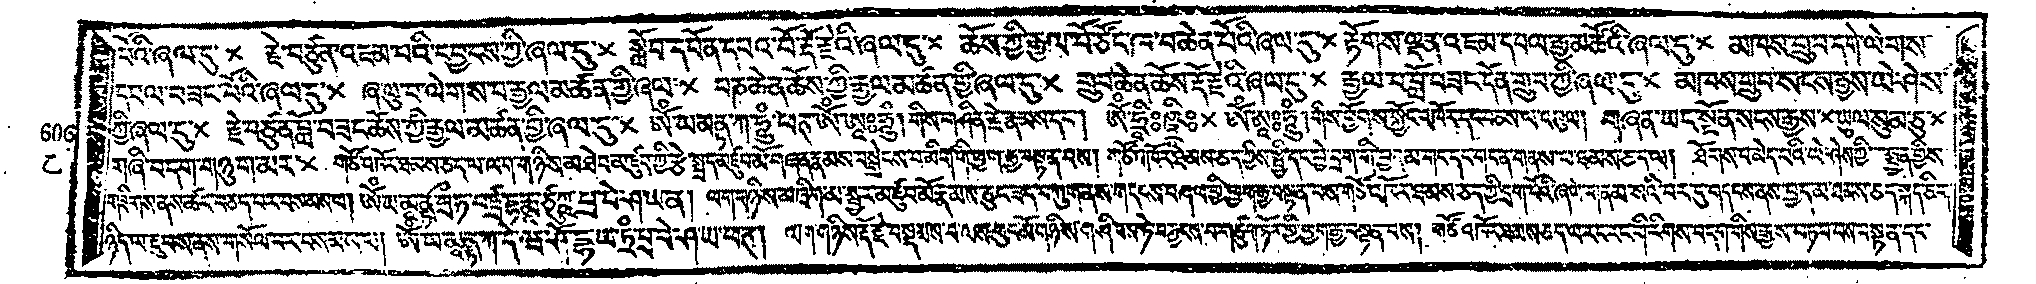པོའི་ཞལ་དུ་྾་རྗེ་བཙུན་འཇམ་པའི་དབྱངས་ཀྱི་ཞལ་དུ་྾་སློབ་དཔོན་དཔའ་བོ་རྡོ་རྗེའི་ཞལ་དུ་྾་ཆོས་ཀྱི་རྒྱལ་པོ་ཙོང་ཁ་བ་ཆེན་པོའི་ཞལ་དུ་྾་རྟོགས་ལྡན་འཇམ་དཔལ་རྒྱ་མཚོའི་ཞལ་དུ་྾་མཁས་གྲུབ་དགེ་ལེགས་
དཔལ་བཟང་པོའི་ཞལ་དུ་྾་ཞ་ལུ་བ་ལེགས་པ་རྒྱལ་མཚན་གྱི་ཞལ་྾་པཎ་ཆེན་ཆོས་ཀྱི་རྒྱལ་མཚན་གྱི་ཞལ་དུ་྾་གྲུབ་ཆེན་ཆོས་རྡོ་རྗེའི་ཞལ་དུ་྾་རྒྱལ་བ་བློ་བཟང་དོན་གྲུབ་ཀྱི་ཞལ་དུ་྾་མཁས་གྲུབ་སངས་རྒྱས་ཡེ་ཤེས་
ཀྱི་ཞལ་དུ་྾་རྗེ་བཙུན་བློ་བཟང་ཆོས་ཀྱི་རྒྱལ་མཚན་གྱི་ཞལ་དུ་྾་ཨོཾ་ཡ་མནྟ་ཀ་ཧཱུཾ་ཕཊ་ཨོཾ་ཨཱཿཧཱུཾ། གིས་གཤིན་རྗེ་རྣམས་དང་།  ཨོཾ་ཧྲཱིཿཥྚྲཱིཿ ྾་ཨོཾ་ཨཱཿཧཱུཾ། གིས་ཕྱོགས་སྐྱོང་འཁོར་དང་བཅས་ལ་འབུལ།  གཞན་ཡང་སྔོན་སངས་རྒྱས་྾་ཡུལ་སུམ་ཅུ་྾་
གཞི་བདག་གཉུག་མར་྾་གཙོ་འཁོར་ཐམས་ཅད་ལ་ལག་གཉིས་མཐེབ་མཛུབ་ཀྱི་རྩེ་སྤྲད་མཛུབ་ཀྱི་རྩེ་སྤྲད་མཛུབ་མོ་གཞན་རྣམས་བསྒྲེངས་བ་མིག་གི་ཕྱག་རྒྱ་བསྟན་བས། གཙོ་འཁོར་ཐམས་ཅད་ཀྱིས་སྤྱི་དང་བྱེ་བྲག་གི་བྱད་མ་གང་དང་གང་ན་གནས་པ་ཐམས་ཅད་ལ། ཐོགས་པ་མེད་པའི་ཡེ་ཤེས་ཀྱི་་་སྤྱན་གྱིས་
གཟིགས་ནས་ཚར་བཅད་པར་བསམས་ལ། ཨོཾ་ཡ་མནྟ་ཀྲཾ་ཏ་བཛྲ་དྷརྨཱ་ཙཀྵུ་པྲ་པེ་ཤ་ཡ་ན། ལག་གཉིས་མཁྲིག་མ་སྦྱར་མཛུབ་མོ་རྣམས་ཅུང་ཟད་བཀུག་ནས་གདངས་བཞལ་གྱི་ཕྱག་རྒྱ་བསྟན་པས་གཙོ་འཁོར་ཐམས་ཅད་ཀྱི་དྲག་པོའི་ཞལ་གནམ་སའི་བར་དུ་གདངས་ནས་བྱད་མ་ཐམས་ཅད་སྐད་ཅིག་
ཉིད་ལ་རྡུབས་ནས་གསོལ་བར་བསམས་ལ། ཨོཾ་ཡ་མཱནྟ་ཀ་དེ་ཝ་ཤོ་དྷ་ཡ་ཏྲཾ་པྲ་བེ་ཤ་ཡ་ཕཊ། ལན་གཉིས་རྡོ་རྗེ་བསྡམས་བ་ལས་གུང་མོ་གཉིས་གཤིབས་ཏེ་བརྐྱངས་པ་གཙུག་ཏོར་གྱི་ཕྱག་རྒྱ་བསྟན་པས། གཙོ་འཁོར་ཐམས་ཅད་ལ་རང་རང་གི་རིགས་བདག་གིས་རྒྱས་བཏབ་པས་བསྟན་དང་